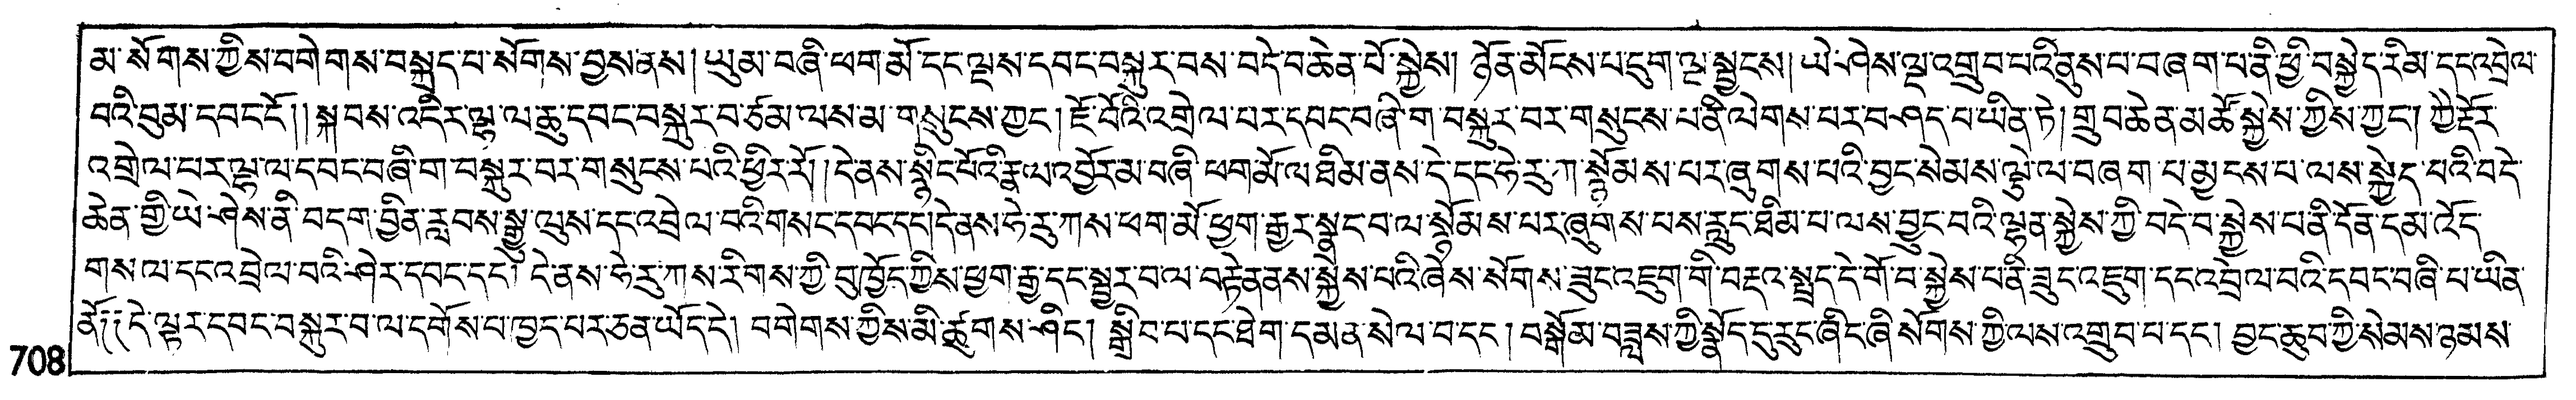མ་སོགས་ཀྱིས་བགེགས་བསྐྲད་པ་སོགས་བྱས་ནས། ཡུམ་བཞི་ཕག་མོ་དང་ལྔས་དབང་བསྐུར་བས་བདེ་བ་ཆེན་པོ་སྐྱེས། ཉོན་མོངས་པ་དུག་ལྔ་སྦྱངས། ཡེ་ཤེས་ལྔ་འགྲུབ་པའི་ནུས་པ་བཞག་པ་ནི་ཕྱི་བསྐྱེད་རིམ་དང་འབྲེལ་
བའི་བུམ་དབང་ངོ། །སྐབས་འདིར་ལྷ་ལ་ཆུ་དབང་བསྐུར་བ་ཙམ་ལས་མ་གསུངས་ཀྱང་། ཇོ་བོའི་འགྲེལ་པར་དབང་བཞི་ག་བསྐུར་བར་གསུངས་པ་ནི་ལེགས་པར་བཤད་པ་ཡིན་ཏེ། གྲུབ་ཆེན་མཚོ་སྐྱེས་ཀྱིས་ཀྱང་། ཀྱཻ་རྡོར་
འགྲེལ་པར་ལྷ་ལ་དབང་བཞི་ག་བསྐུར་བར་གསུངས་པའི་ཕྱིར་རོ། །དེ་ནས་སྙིང་པོའི་རྣལ་འབྱོར་མ་བཞི་ཕག་མོ་ལ་ཐིམ་ནས་དེ་དང་ཧེ་རུ་ཀ་སྙོམས་པར་ཞུགས་པའི་བྱང་སེམས་ལྕེ་ལ་བཞག་པ་མྱངས་པ་ལས་སྐྱེད་པའི་བདེ་
ཆེན་གྱི་ཡེ་ཤེས་ནི་བདག་བྱིན་རླབས་སྒྱུ་ལུས་དང་འབྲེལ་བའི་གསང་དབང་དང་། དེ་ནས་ཧེ་རུ་ཀས་ཕག་མོ་ཕྱག་རྒྱར་སྣང་བ་ལ་སྙོམས་པར་ཞུགས་པས་རླུང་ཐིམ་པ་ལས་བྱུང་བའི་ལྷན་སྐྱེས་ཀྱི་བདེ་བ་སྐྱེས་པ་ནི་དོན་དམ་འོད་
གསལ་དང་འབྲེལ་བའི་ཤེར་དབང་དང་། དེ་ནས་ཧེ་རུ་ཀས་རིགས་ཀྱི་བུ་ཁྱོད་ཀྱིས་ཕྱག་རྒྱ་དང་སྦྱར་བ་ལ་བརྟེན་ནས་སྐྱེས་པའི་ཞེས་སོགས་ཟུང་འཇུག་གི་བརྡའ་སྤྲད་དེ་གོ་བ་སྐྱེས་པ་ནི་ཟུང་འཇུག་དང་འབྲེལ་བའི་དབང་བཞི་པ་ཡིན་
ནོ༑ ༑དེ་ལྟར་དབང་བསྐུར་བ་ལ་དགོས་པ་ཁྱད་པར་ཅན་ཡོད་དེ། བགེགས་ཀྱིས་མི་ཚུགས་ཤིང་། སྒྲིབ་པ་དང་ཐེག་དམན་སེལ་བ་དང་། བསྒོམ་བཟླས་ཀྱི་སྣོད་དུ་རུང་ཞིང་ཞི་སོགས་ཀྱི་ལས་འགྲུབ་པ་དང་། བྱང་ཆུབ་ཀྱི་སེམས་ཉམས་